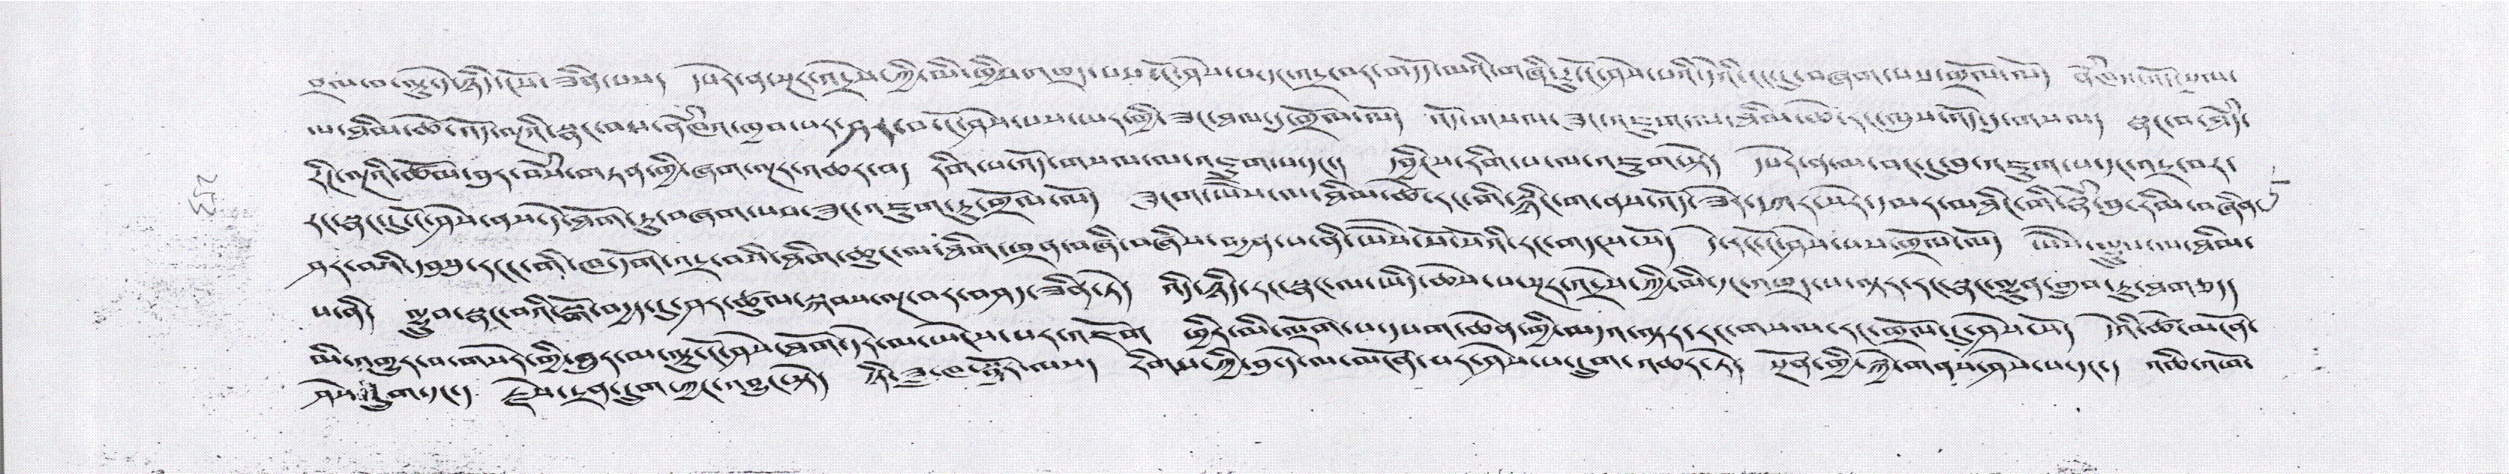བྲལ་བ་ལྟ་བུ་དེ་ཉིད་ངོས་ཟིན་པས། དཔེར་ན་སྔར་འདྲེས་ཀྱི་མི་ཕྱིས་འཕྲད་པས་ངོ་ཤེས་པ་དང་འདྲ་བར་གདོད་མའི་གཞི་རུ་ངོ་ཤེས་པའི་དེའི་ངང་དུ་བཞག་པས་གྲོལ་ལོ། ནམ་མཁའ་འོད་གསལ་
ལ་ཐིམ་ཚེ་འོད་ལྔའི་སྣང་བས་ནམ་མཁའ་ཁྱབ་པར་ཤར་བ་ངོ་ཤེས་པས་ཡར་གྱི་ཟང་ཐལ་དུ་གྲོལ་ལོ། འོད་གསལ་ཟུང་འཇུག་ལ་ཐིམ་ཚེ་རང་ལུས་འོད་དུ་གསལ། སྣང་བ་ཐམས་ཅད་
རིགས་ལྔའིི་ཚོམ་བུར་བསམ་གཏན་གྱི་ཞག་ལྔར་འཆར་བ། རིག་པ་འོད་གསལ་ལ་འཇུག་པ་དང། དབྱིངས་རིག་པ་ལ་འཇུག་སྟེ། དཔེར་ན་མ་པང་དུ་བུ་འཇུག་པ་དང་འདྲ་བར་
རང་སྣང་དུ་ངོ་ཤེས་ནས་དེ་ཐོག་ཏུ་བཞག་པས་ཟུང་འཇུག་ཏུ་གྲོལ་ལོ། ཟུང་འཇུག་ཡེ་ཤེས་ལ་ཐིམ་ཚེ་རང་གི་སྙིང་ག་ནས་འོད་ཟེར་དཀར་སེར་དམར་མཐིང་གི་སྣམ་བུ་རིམ་བཞིན་
ཤར་མའི་དབུས་སུ་རང་རང་གི་ཁ་དོག་འདྲ་བའི་ཐིག་ཆུང་ལ་ཐིག་ཕྲན་བཞི་བཞིས་བརྒྱན་པ་ནི་ཡེ་ཤེས་སོ་སོའི་རང་གདངས་སོ། དེ་རང་ངོ་ཤེས་པས་གྲོལ་ལོ། ཡེ་ཤེས་ལྷུན་གྲུབ་ལ་ཐིམ་
པ་ནི། ལྷུན་གྲུབ་སྣང་བའི་སྒོ་བརྒྱད་དུ་ཤར་ཚུལ་སྐབས་ལྔ་བར་བཤད་ཟིན་ཏེ། འདི་ཉིད་རང་སྣང་ལ་ཡིད་ཆེས་པ་སྔར་འདྲེས་ཀྱི་མི་དང་འཕྲད་པ་ལྟར་རང་སྣང་ལྷུན་གྲུབ་ཏུ་ཐག་གཅད། 
མི་འགྱུར་བ་གསེར་གྱི་ཐུར་མ་ལྟ་བུ་ངོ་ཤེས་ཐོག་དེར་མ་ཡེངས་པར་འཇོག ཕྱིར་མི་ལྡོག་པ་དཔག་ཆེན་གྱི་མདའ་ལྟར་རང་གསལ་རང་གྲོལ་དུ་ཤེས་སོ། དེའི་ཚེ་མངོན་
ཤེས་དྲུག་དང། རྗེས་དྲན་དྲུག་ཀྱང་འབྱུང་སྟེ། ཉི་ཟླ་ཁ་སྦྱོར་ལས། རིགས་ཀྱི་བུ་དེ་ལ་མངོན་པར་ཤེས་པ་དྲུག་འཆར་ཏེ། སྔོན་གྱི་སྐྱེ་གནས་ཤེས་པ་དང། འཆི་འཕོ་